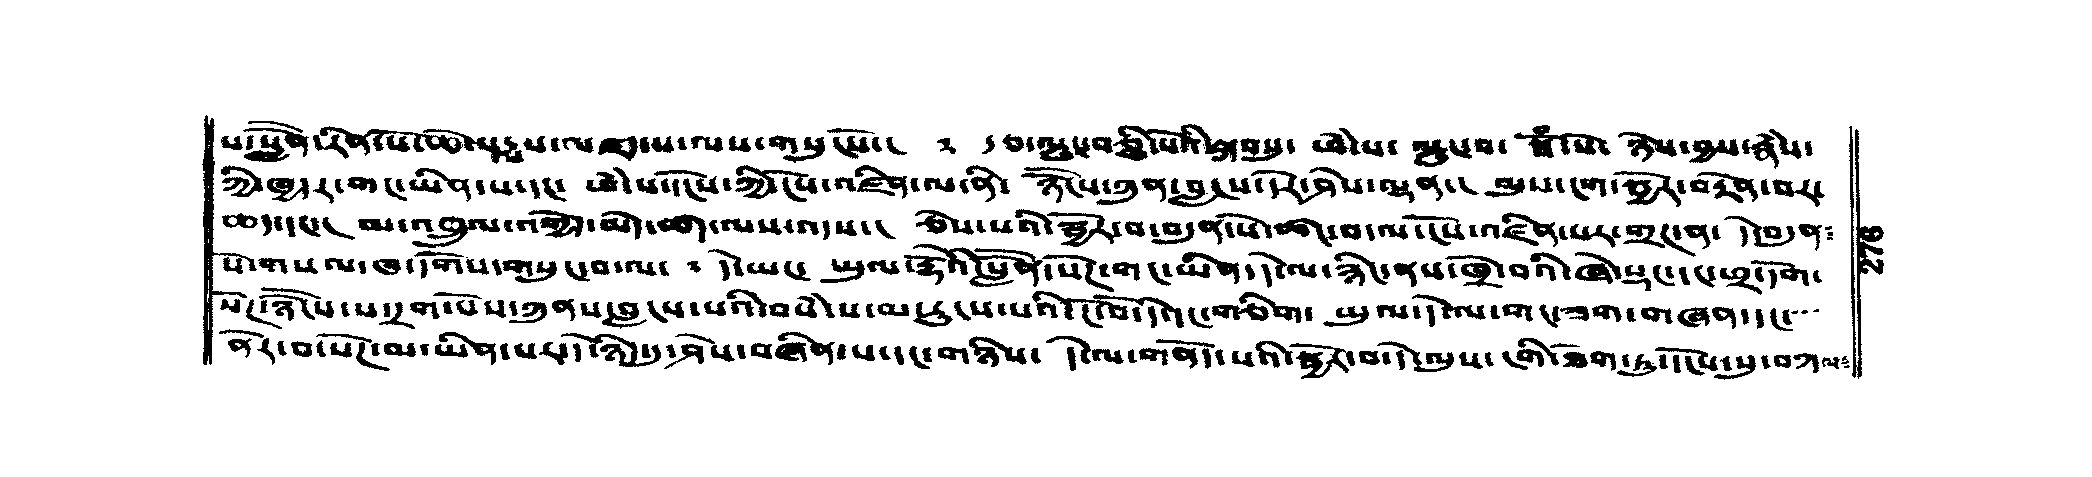སློབཔད་ོནཔརིནཔ་ོཔཆེཔ་དྨསཔམཛདཔ་པལསཔགསུངསཔསོ། རྩཔལྟུངཔབཅུཔབཞིཔ་འིཔསྐབསཔསུ། ཕམཔ་། ལྟུངཔབ། བམཔ་ོ། ཉེསཔབྱསཔརྣམསཔ
ཀྱིཔཁྱདཔ་རཔགངཔཡིནཔ་པདངཔ། ཕམཔ་པདངོསཔཀྱིཔངོསཔའཛིནཔལཔནི། ཉོནཔམོངསཔཀུནཔབླངཔདོརཔཤེསཔལྡན། །ལུསཔངགཔསྦྱོརཔབརྟེནཔབར
པཆདཔདངཔ། །མཔའཁྲུལཔའགྱོདཔམེདཔཚདཔལསཔའདས།ཅེསཔ་འིཔསྦྱོརཔབཔབདུནཔ་ོཔཚངཔབཔལཔངོསཔའཛིནཔ་རཔགྲགསཔན། དེཔབདུན
པ་ོཔགསལཔཁཔདགོསཔགསུངཔབཔལ། དེཔཡངཔཡུལཔརྡོཔརྗེའིཔསློབཔད་ོནཔསོགསཔགངཔཡིནཔདེཔལཔསྙིངཔནསཔཁྲོཔབའིཔཞེཔསྡངཔདངཔཕྲགཔདོག
པསོགསཔཉོནཔམོངསཔ་པདྲགཔ་ོསཔཀུནཔནསཔབླངསཔ་འིཔབསམཔ་པམཔརུངཔ་འིཔངོཔབོཔདེཔདངཔགཅིག ཡུལཔདེཔལཔགངཔཟགཔགཞནཔདངཔ
ནོརཔབཔསོགསཔམཔཡིནཔ་རཔདེཔཉིདཔདུཔཤེསཔབཞིནཔ་པདངཔགཉིས། དེཔལཔགནོདཔ་འིཔསྦྱོརཔབཔདེཔལུསཔངགཔགིཔཐོགཔཏཔདངོསཔསུཔབཀལཔབཔ